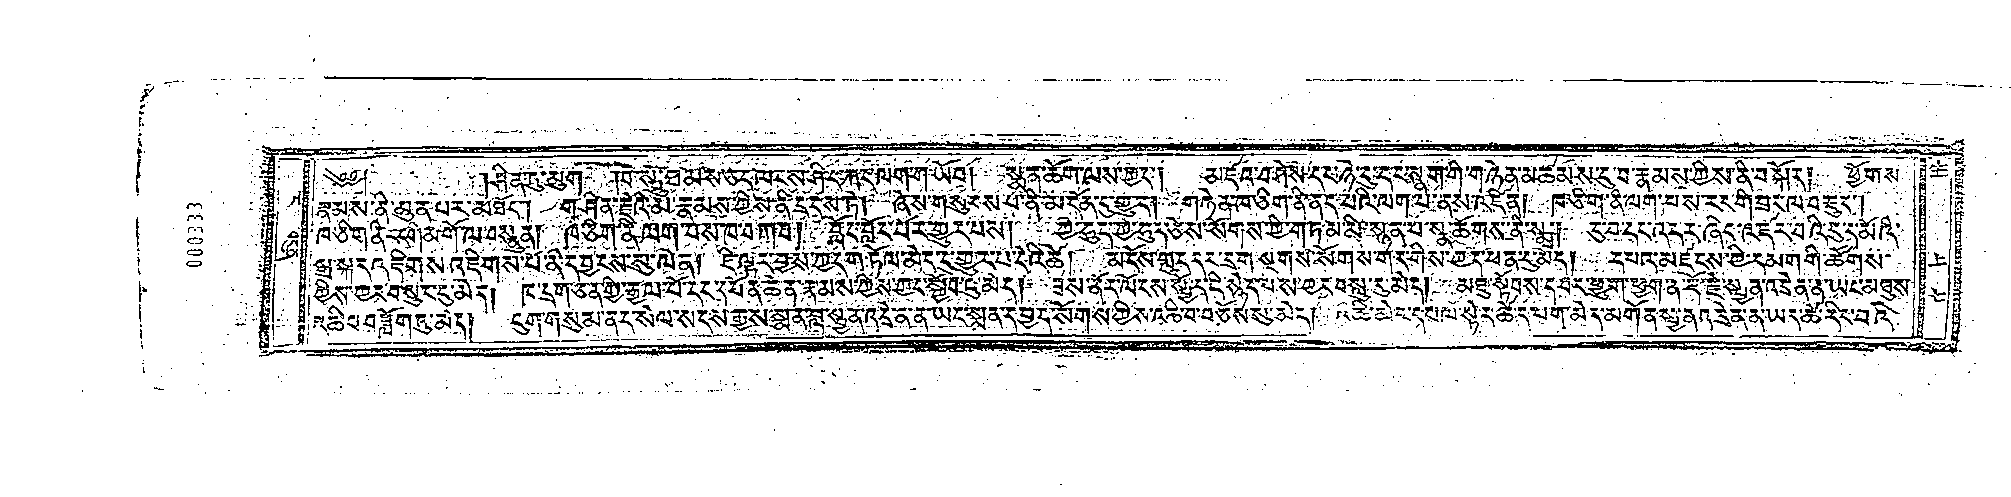༄༅། །ཤིན་ཏུ་མུག །བ་སྤུ་ཐམས་ཅད་ལངས་ཤིང་རྐང་ལག་གཡོབ། སྨན་ཆོག་ལས་ཀྱང་། མཛའ་བཤེས་དང་ཉེ་དུ་དང་སྣག་གི་གཉེན་མཚམས་དུ་བ་རྣམས་ཀྱིས་ནི་བསྐོར། ཕྱོགས་
རྣམས་ནི་མུན་པར་མཐོད། གཤིན་རྗེའི་མ་རྣམས་ཀྱིས་ནི་དྲངས་ཏེ། ཞེས་གསུངས་པ་ནི་མངོན་དུ་གྱུར། གཉེན་ཁ་ཅིག་ནི་ནད་པའི་ལག་པ་ནས་འཛིན། ཁ་ཅིག་ནི་ལག་པས་རང་གི་བྲང་ལ་བརྡུང་།
ཁ་ཅིག་ནི་རང་གི་མགོ་ལ་བསྣུན། ཁ་ཅིག་ནི་ལག་པས་ཁ་བཀབ། བློང་བློང་པོར་གྱུར་པས། ཀྱེ་ཧུད་ཀྱི་ཧུད་ཅེས་སོགས་ཀྱི་གཏམ་མི་སྙན་པ་སྣ་ཚོགས་ནི་སྨྲ། དུ་བ་དང་འདར་ཞིང་འཛར་བའི་དུད་མོའི་
སྒྲ་སྐད་འཇིགས་འཇིགས་པོ་ནི་དབྱངས་སུ་ལེན། ཇི་ལྟར་བྱས་ཀྱང་གཏོལ་མེད་དུ་གྱུར་པ་དེའི་ཚེ། མངོས་གླུང་དང་དྲག་སྔགས་སོགས་གང་གིས་ཀྱང་ཕན་དུ་མེད། དཔའ་མཛངས་ཀྱི་དམག་གི་ཚོགས་
ཀྱིས་ཀྱང་བསྲུང་དུ་མེད། ཁ་དྲག་ཅན་གྱི་རྒྱལ་པོ་དང་དཔོན་ཆེན་རྣམས་ཀྱིས་ཀྱང་སྐྱོབ་ཏུ་མེད། ཟས་ནོར་ལོངས་སྤྱོད་ཇི་སྙེད་པས་ཀྱང་བསླུ་དུ་མེད། མཐུ་སྟོབས་དབང་ཕྱུག་ཕྱག་ན་རྡོ་རྗེ་སྤྱན་འདྲེན་ན་ཡང་མཐུས་
འཆི་བ་བཟློག་ཏུ་མེད། དུག་གསུམ་ནང་སེལ་སངས་རྒྱས་སྨན་བླ་སྤྱན་འདྲེན་ན་ཡང་སྨན་དཔྱད་སོགས་ཀྱིས་འཆི་བ་བཅོས་སུ་མེད། འཆི་མེད་དཔལ་སྟེར་ཚེ་དཔག་མེད་མགོན་སྤྱན་འདྲེན་ན་ཡང་ཚེ་རིང་བའི་